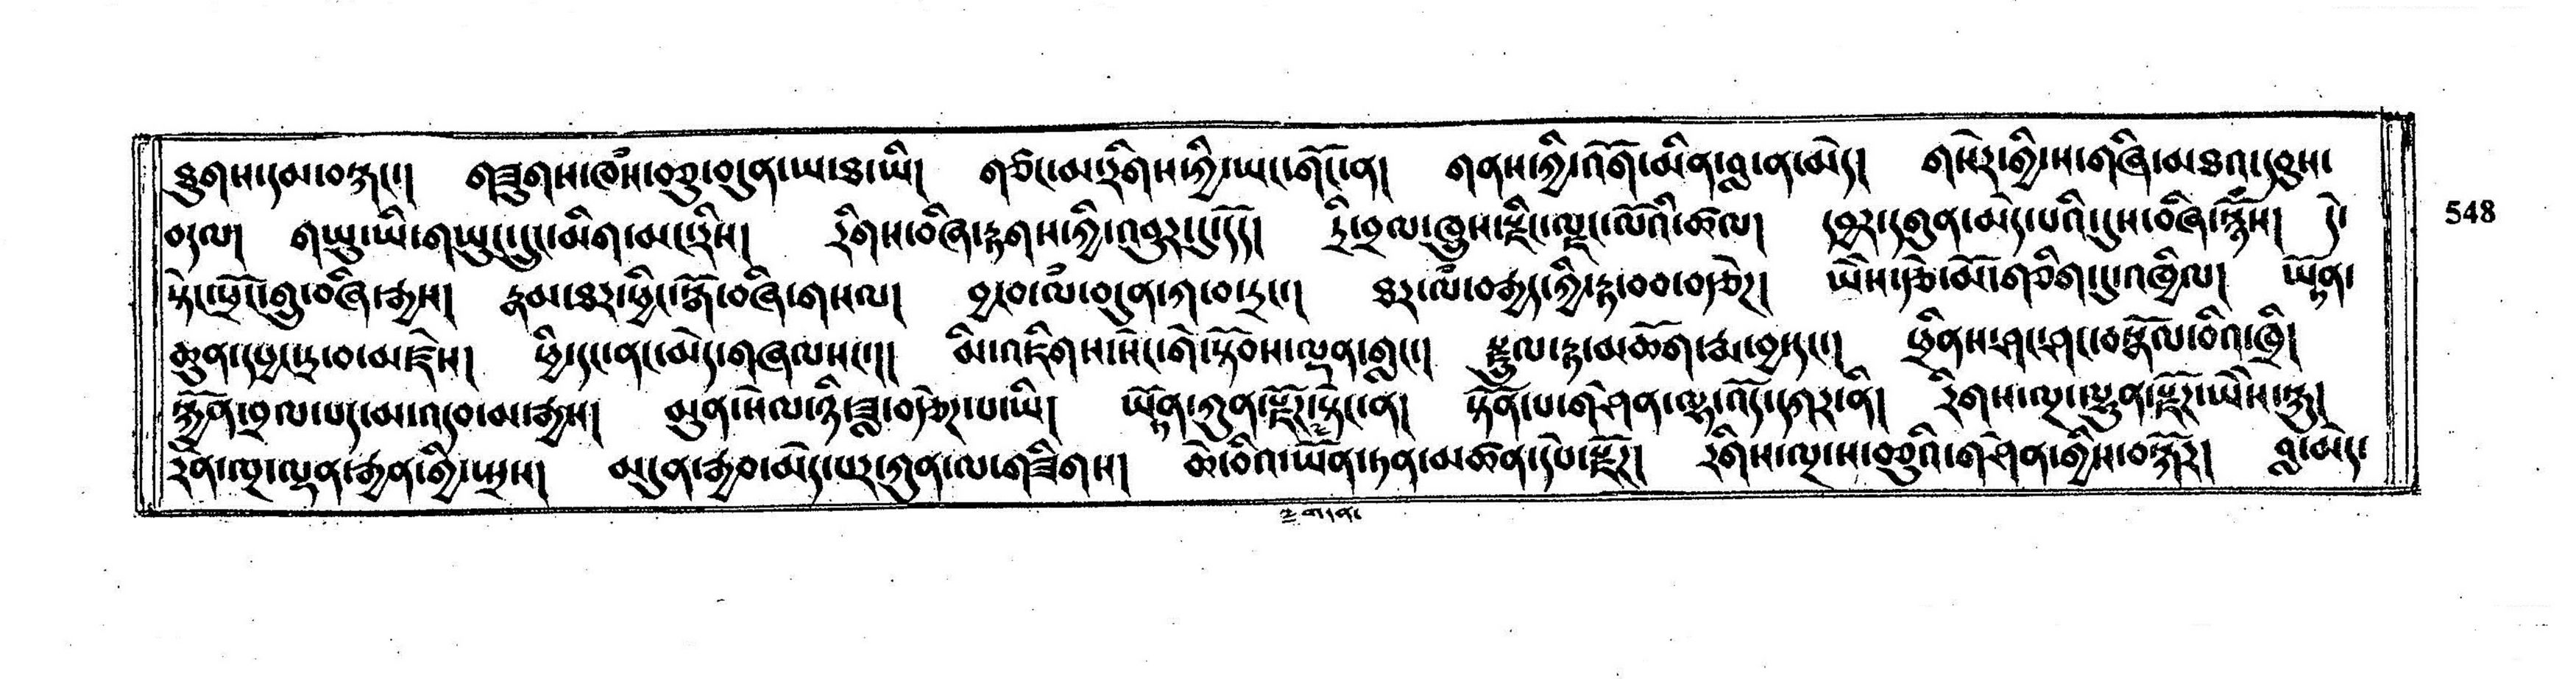ཐུགས་དམ་བསྐང་། གཟུགས་ཁམས་བཅུ་བདུན་ཡ་ཐ་ཡི། གཙང་མ་རིགས་ཀྱི་ཡང་གོང་ན། གནས་ཀྱི་འོག་མིན་བླ་ན་མེད། གསེར་གྱི་ས་གཞི་མཐའ་དབུས་
བདལ། གཡུ་ཡི་གཡུང་དྲུང་མིག་མང་རིས། རིགས་བཞི་རྟགས་ཀྱི་འབུར་དུ་དོད། དྲི་བྲལ་ཁྲུས་རྫིང་ལྗང་ལོའི་ཚལ། དབྱར་དགུན་མེད་པའི་དུས་བཞི་སྙོམས། དེ་
སྟེང་ཕོ་བྲང་གྲུ་བཞི་རྒྱས། རྣམ་ཐར་ཕྱི་ནང་སྒོ་བཞི་གསལ། བྱང་ཆུབ་ལམ་བདུན་ཀ་བ་དྲང་། ཐར་ལམ་བརྒྱད་ཀྱི་རྟ་བབ་བརྩེགས། ཡེ་ཤེས་རྩེ་མོ་གཅིག་དུ་འཁྱིལ། ཡོན་ཏན་
ཆུན་དཔྱང་དྲ་བ་མཛེས། ཕྱི་དང་ནང་མེད་གཞལ་ཡས་ཁང་། མི་འཇིགས་སེང་གེ་སྟོབས་ལྡན་གླང་། རྫུ་འཕྲུལ་རྟ་མཆོག་རྨ་བྱ་དང་། ཕྲིན་ལས་ཤང་ཤང་བསྣོལ་བའི་ཁྲི། 
སྐྱོན་བྲལ་པད་མ་འདབ་མ་རྒྱས། མུན་སེལ་ཉི་ཟླ་བརྩེགས་པ་ཡི། ཡོན་ཏན་ཀུན་རྫོགས་གདན་སྟེང་ན། སྟོན་པ་གཤེན་ལྷ་འོད་དཀར་ནི། རིགས་ལྔ་ལྷུན་རྫོགས་ཡེ་ཤེས་སྐུ། 
རིན་ཆེན་ལྔ་ལྡན་རྒྱན་གྱི་སྤྲས། མདུན་རྒྱབ་མེད་པར་ཀུན་ལ་གཟིགས། ཆེ་བའི་ཡོན་ཏན་མཚན་དཔེ་རྫོགས། རིགས་ལྔ་ས་བཅུའི་གཤེན་གྱིས་བསྐོར། བླ་མེད་